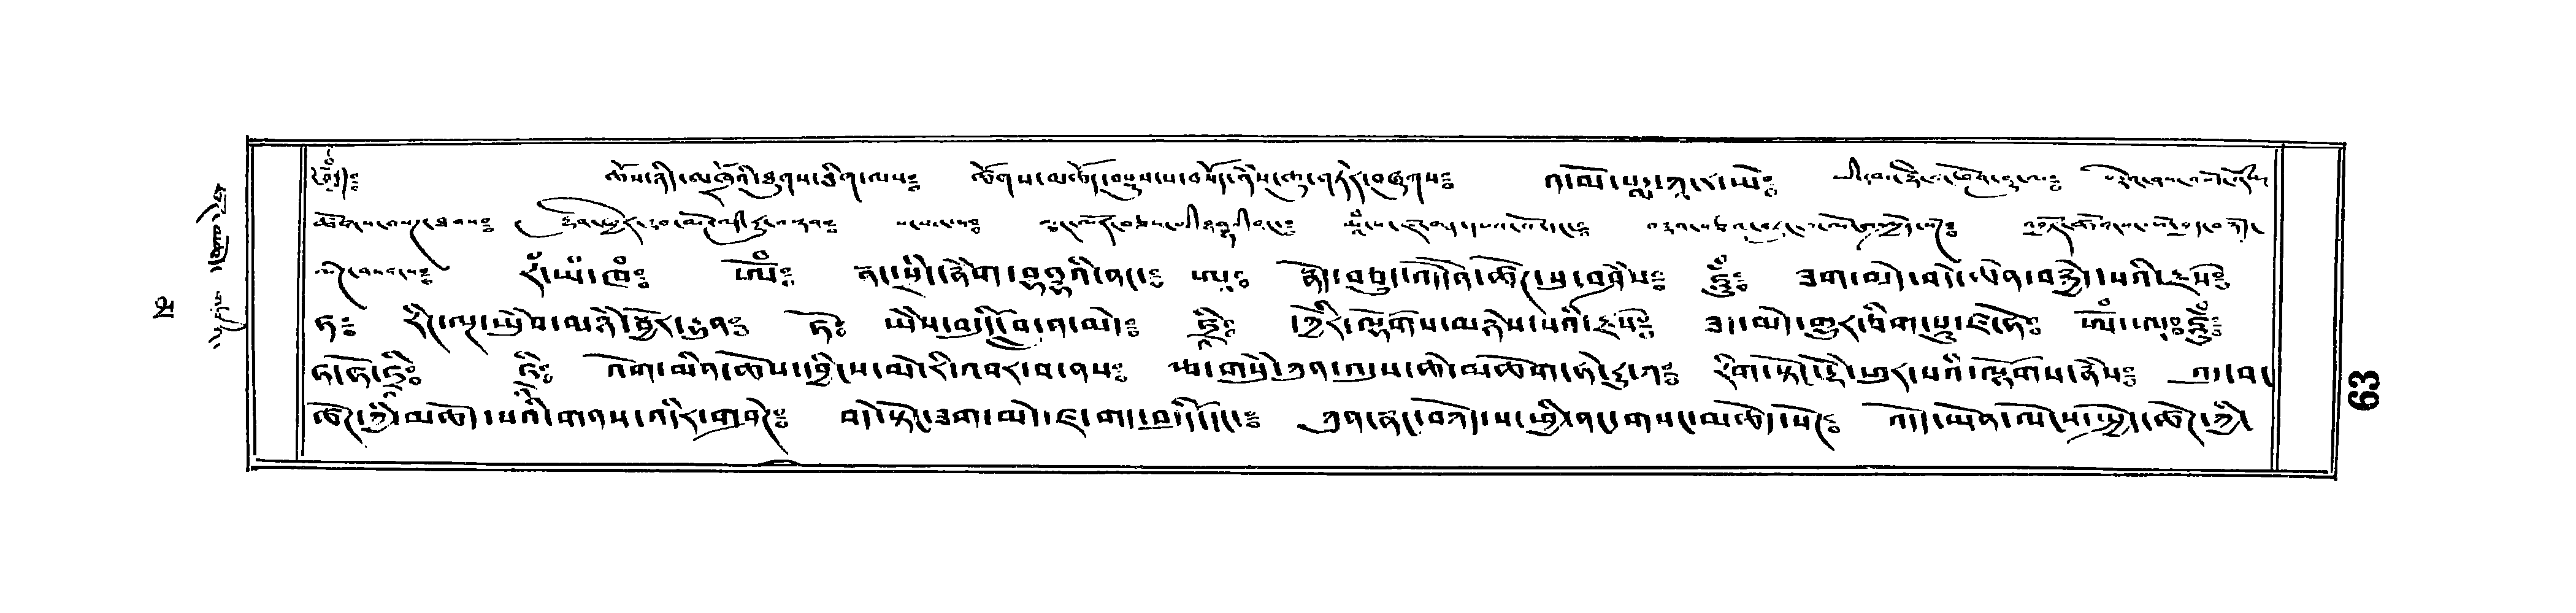ཆོས་ཉིད་མཁའ་འགྲོའི་ཐུགས་ཐིག་ལས༔ ཚོགས་མཆོད་བསྡུས་པ་བསོད་ནམས་ཆུ་གཏེར་བཞུགས༔ ན་མོ་པདྨ་ཀཱ་ར་ཡེ༔ ཡི་དམ་རྡོ་རྗེ་གཞོན་ནུ་ལ༔ བརྟེན་ནས་བསོད་ནམས་
ཚོགས་གསོག་ཐབས༔ རྒྱུན་ཁྱེར་ཟབ་མོ་འདི་རུ་བསྟན༔ ས་མ་ཡ༔ ལྕང་ལོར་བཅས་པའི་བྷནྡྷའི་ནང༔ མཱཾ་ས་ཛ་གད་དཔའ་བོ་དང༔ བཟའ་བཅའ་བཏུང་བ་ལོངས་སྤྱོད་སོགས༔ འབྱོར་ཚོགས་ཡོ་བྱད་བཀོད་
ལེགས་བསགས༔ རྃ་ཡྃ་ཁྃ༔ ཨོཾ༔ སྣང་སྲིད་རྣམ་དག་བྷནྡྷའི་ནང༔ ཨཱཿ སྣོད་བཅུད་འདོད་ཡོན་ཚོགས་སུ་བཤམས༔ ཧཱུྃ༔ ཟག་མེད་བདེ་ཆེན་བསྐྱེད་པའི་རྫས༔ 
ཧཿ རིགས་ལྔ་ཡབ་ཡུམ་མཉམ་སྦྱོར་རྒྱུན༔ ཧོཿ ཡེ་ཤེས་བདུད་རྩི་བླ་ན་མེད༔ ཧྲཱིཿ དཀྱིལ་འཁོར་ལྷ་ཚོགས་མཉེས་པའི་རྫས༔ ཟད་མེད་གྱུར་ཅིག་པཱུ་ཛ་ཧོཿ ཨོཾ་ཨཱཿཧཱུྃ༔ 
ཧ་ཧོ་ཧྲཱིཿ ཧྲཱིཿ འོག་མིན་ཆོས་དབྱིངས་མེ་རི་འབར་བ་ནས༔ རྩ་གསུམ་ཀུན་འདུས་ཆེ་མཆོག་ཧེ་རུ་ཀ༔ རིག་སྟོང་རྡོ་རྗེ་ཕུར་པའི་ལྷ་ཚོགས་རྣམས༔ འདུ་བ་
ཚོགས་ཀྱི་མཆོད་པའི་གནས་འདིར་གཤེགས༔ བདེ་སྟོང་ཟག་མེད་ཛ་གད་བདུད་རྩི་དང༔ ཀུན་སྣང་བཀོད་པ་ཕྱི་ནང་གསང་མཆོད་སོགས༔ འདོད་ཡོན་ལོངས་སྤྱོད་ཚོགས་ཀྱི་